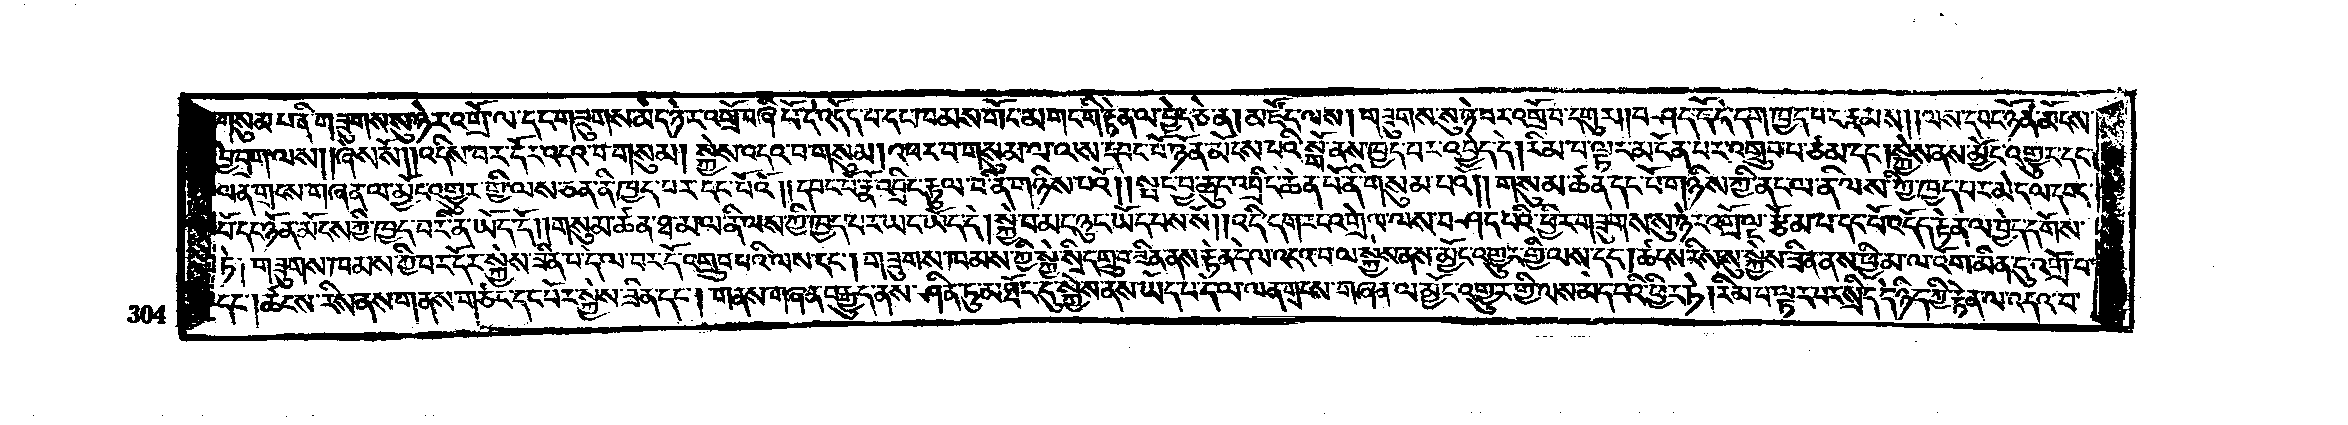གསུམ་པ་ནི་གཟུགས་སུ་ཉེར་འགྲོ་ལྔ་དང་གཟུགས་མེད་ཉེར་འགྲོ་བཞི་པོ་དེ་འདོད་པ་དང་ཁམས་གོང་མ་གང་གི་རྟེན་ལ་བྱེད་ཅེ་ན། མཛོད་ལས། གཟུགས་སུ་ཉེ་བར་འགྲོ་བ་དགུར། །བཤད་དོ་དེ་དག་ཁྱད་པར་རྣམས། །ལས་དབང་ཉོན་མོངས་
བྱེ་བྲག་ལས། །ཞེས་སོ། །འདིས་བར་དོར་འདའ་བ་གསུམ། སྐྱེས་འདའ་བ་གསུམ། འཕར་བ་གསུམ་ལ་ལས་དབང་པོ་ཉོན་མོངས་པའི་སྒོ་ནས་ཁྱད་པར་འབྱེད་དེ། རིམ་པ་ལྟར་མངོན་པར་འགྲུབ་པ་ཙམ་དང་། སྐྱེས་ནས་མྱོང་འགྱུར་དང་།
ལན་གྲངས་གཞན་ལ་མྱོང་འགྱུར་གྱི་ལས་ཅན་ནི་ཁྱད་པར་དང་པོའོ། །དབང་པོ་རྣོ་འབྲིང་རྟུལ་བ་ནི་གཉིས་པའོ། །སྤང་བྱ་ཆུང་འབྲིང་ཆེན་པོ་ནི་གསུམ་པའོ། །གསུམ་ཚན་དང་པོ་གཉིས་ཀྱི་ནང་ལ་ནི་ལས་ཀྱི་ཁྱད་པར་མེད་ལ་དབང་
པོ་དང་ཉོན་མོངས་ཀྱི་ཁྱད་པར་ནི་ཡོད་དོ། །གསུམ་ཚན་ཐ་མ་ལ་ནི་ལས་ཀྱི་ཁྱད་པར་ཡང་ཡོད་དེ། སྐྱེ་བ་མང་ཉུང་ཡོད་པས་སོ། །འདི་དག་རང་འགྲེལ་ལས་བཤད་པའི་ཕྱིར་གཟུགས་སུ་ཉེར་འགྲོ་ལྔ་རྩོམ་པ་དང་པོ་འདོད་རྟེན་ལ་བྱེད་དགོས་
ཏེ། གཟུགས་ཁམས་ཀྱི་བར་དོར་སྐྱེས་ཟིན་པ་དེ་ལ་བར་དོ་འགྲུབ་པའི་ལས་དང་། གཟུགས་ཁམས་ཀྱི་སྐྱེ་སྲིད་གྲུབ་ཟིན་ནས་རྟེན་དེ་ལ་འདའ་བ་ལ་སྐྱེས་ནས་མྱོང་འགྱུར་གྱི་ལས་དང་། ཚངས་རིས་སུ་སྐྱེས་ཟིན་ནས་ཕྱི་མ་ལ་འོག་མིན་དུ་འགྲོ་བ་
དང་། ཚངས་རིས་ནས་གནས་གཙང་དང་པོར་སྐྱེས་ཟིན་དང་། གནས་གཞན་བརྒྱུད་ནས་ཤིན་ཏུ་མཐོང་དུ་སྐྱེས་ནས་ཡོད་པ་དེ་ལ་ལན་གྲངས་གཞན་ལ་མྱོང་འགྱུར་གྱི་ལས་མེད་པའི་ཕྱིར་ཏེ། རིམ་པ་ལྟར་བར་སྲིད་དེ་ཉིད་ཀྱི་རྟེན་ལ་འདའ་བ་